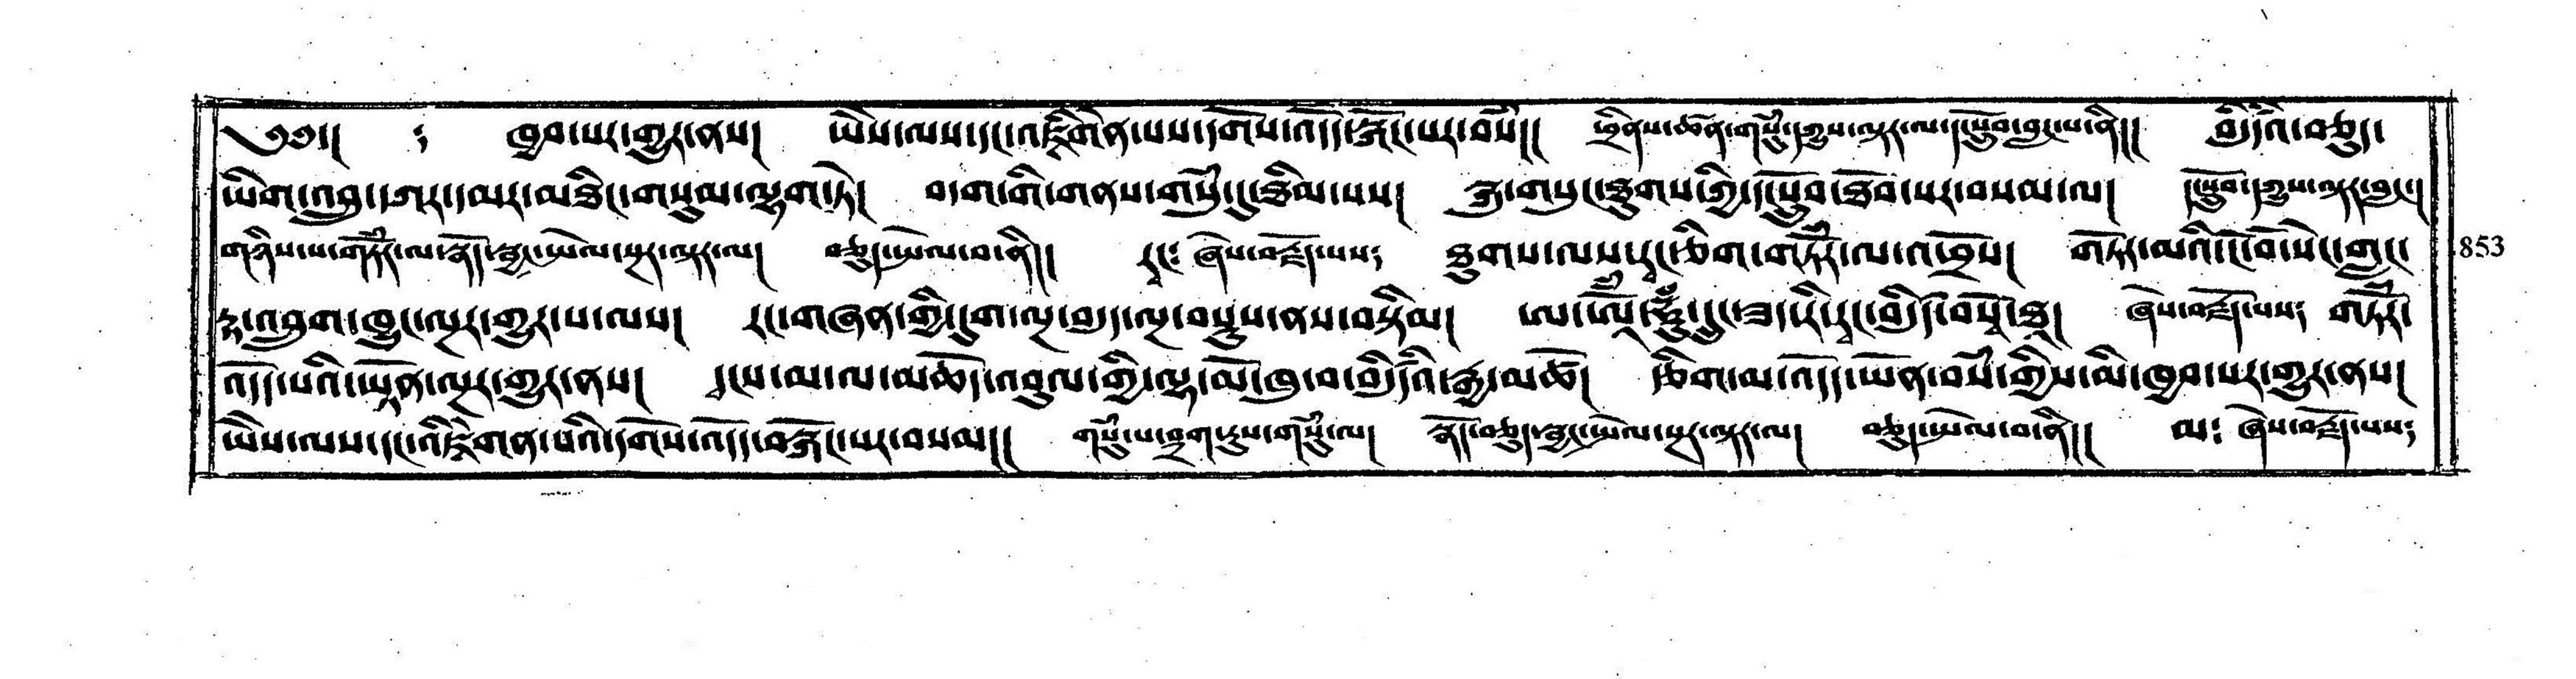ཁྱབ་པར་གྱུར་ནས། ཡེ་ཤེས་ལས་དང་འཇིག་རྟེན་པས་དགོས་འདོད་སྐོང་པར་བསམ།། ཕྲིན་ལས་ཚན་གསུམ་དཀྱུས་ལྟར་ལ་དངོས་གྲུབ་བླང་པ་ནི།། བདུད་རྩིའི་བཅུད་
ཡིག་འབྲུ་དཀར་དམར་མཐིང་གསུམ་ལྷག་ཏེ། བདག་གི་གནས་གསུམ་དུ་ཐིམ་པས། སྐུ་གསུང་ཐུགས་ཀྱི་དངོས་གྲུབ་ཐོབ་པར་བསམ་ལ། དངོས་གྲུབ་དཀྱུས་ལྟར་བླང་། 
གཉིས་པ་གཏོར་མ་ལ་སྣོད་སྦྱང་སྤེལ་སྔར་ལྟར་ལ། བཅུད་སྤེལ་བ་ནི།། རྭང་ཞེས་བརྗོད་པས། ཐུགས་ལས་རྭང་ཅིག་གཏོར་མ་ལ་འཕྲོས། གཏོར་མའི་ངོ་བོ་སེང་གླང་
རྟ་འབྲུག་ཁྱུང་ལྔར་གྱུར་པ་ལས། རང་གཞན་གྱི་དུག་ལྔ་བདུད་ལྔ་བསྡུས་ནས་བསྟིམ། ཨ་ཨཱོཾ་ཧཱུྃ་དྲུང་ཟད་རི་རྭང་བདུད་རྩི་བསྭོ་ཐཱ། ཞེས་བརྗོད་པས། གཏོར་མ་
འདོད་པའི་ཡོན་ཏན་ལྔར་གྱུར་ནས། དྭངས་མ་ལ་མཆོད་འབུལ་གྱི་ལྷ་མོ་ཁུ་བ་བདུད་རྩིའི་རྒྱ་མཚོ། རྩིག་མ་འདོད་ཡོན་བསམ་གྱིས་མི་ཁྱབ་པར་གྱུར་ནས། 
ཡེ་ཤེས་ལས་དང་འཇིག་རྟེན་པའི་དགོས་འདོད་བསྐོང་པར་བསམ།། གསུམ་པ་ཤ་ཁྲག་རུས་གསུམ་ལ། སྣོད་བཅུད་སྦྱང་སྤེལ་སྔར་ལྟར་ལ། བཅུད་སྤེལ་བ་ནི།། མ་ཞེས་བརྗོད་པས་